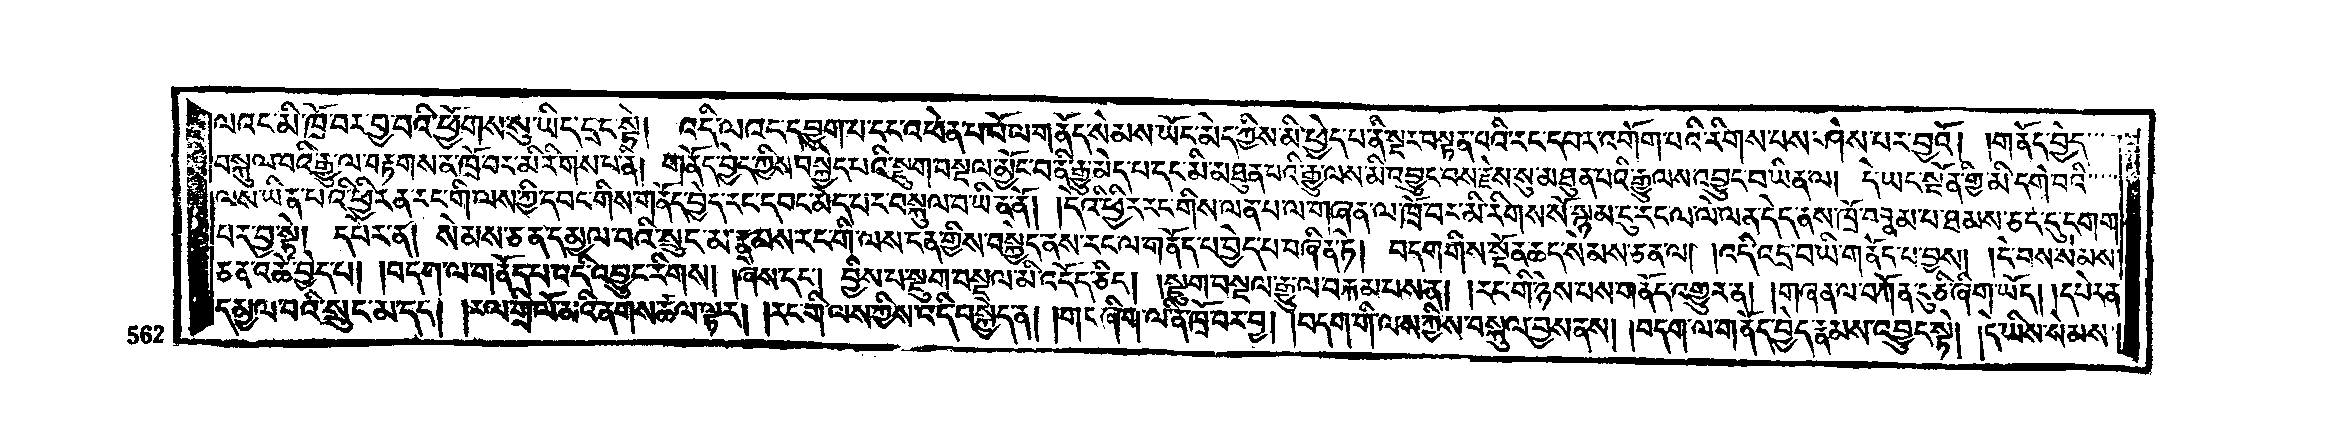ལའང་མི་ཁྲོ་བར་བྱ་བའི་ཕྱོགས་སུ་ཡིད་དྲང་སྟེ། འདི་ལའང་དབྱུག་པ་དང་འཕེན་པ་པོ་ལ་གནོད་སེམས་ཡོང་མེད་ཀྱིས་མི་ཕྱེད་པ་ནི་སྔར་བསྟན་པའི་རང་དབང་འགོག་པའི་རིགས་པས་ཤེས་པར་བྱའོ། །གནོད་བྱེད་
བསྐུལ་བའི་རྒྱུ་ལ་བརྟགས་ན་ཁྲོ་བར་མི་རིགས་པ་ནི། གནོད་བྱེད་ཀྱིས་བསྐྱེད་པའི་སྡུག་བསྔལ་མྱོང་བ་ནི་རྒྱུ་མེད་པ་དང་མི་མཐུན་པའི་རྒྱུ་ལས་མི་འབྱུང་བས་རྗེས་སུ་མཐུན་པའི་རྒྱུ་ལས་འབྱུང་བ་ཡིན་ལ། དེ་ཡང་སྔོན་གྱི་མི་དགེ་བའི་
ལས་ཡིན་པའི་ཕྱིར་ན་རང་གི་ལས་ཀྱི་དབང་གིས་གནོད་བྱེད་རང་དབང་མེད་པར་བསྐུལ་བ་ཡིན་ནོ། །དེའི་ཕྱིར་རང་གིས་ལན་པ་ལ་གཞན་ལ་ཁྲོ་བར་མི་རིགས་སོ་སྙམ་དུ་རང་ལ་ལེ་ལན་དེད་ནས་ཁྲོ་བ་རྣམ་པ་ཐམས་ཅད་དུ་དགག་
པར་བྱ་སྟེ། དཔེར་ན། སེམས་ཅན་དམྱལ་བའི་སྲུང་མ་རྣམས་རང་གི་ལས་ངན་གྱིས་བསྐྱེད་ནས་རང་ལ་གནོད་པ་བྱེད་པ་བཞིན་ཏེ། བདག་གིས་སྔོན་ཆད་སེམས་ཅན་ལ། །འདི་འདྲ་བ་ཡི་གནོད་པ་བྱས། །དེ་བས་སེམས་
ཅན་འཚེ་བྱེད་པ། །བདག་ལ་གནོད་པ་འདི་འབྱུང་རིགས། །ཞེས་དང་། བྱིས་པ་སྡུག་བསྔལ་མི་འདོད་ཅིང་། །སྡུག་བསྔལ་རྒྱུ་ལ་བརྐམ་པས་ན། །རང་གི་ཉེས་པས་གནོད་འགྱུར་ན། །གཞན་ལ་བཀོན་དུ་ཅི་ཞིག་ཡོད། །དཔེར་ན་
དམྱལ་བའི་སྲང་མ་དང་། །རལ་གྲི་ལོ་མའི་ནགས་ཚལ་ལྟར། །རང་གི་ལས་ཀྱིས་འདི་བསྐྱེད་ན། །གང་ཞིག་ལ་ནི་ཁྲོ་བར་བྱ། །བདག་གི་ལས་ཀྱིས་བསྐུལ་བྱས་ནས། །བདག་ལ་གནོད་བྱེད་རྣམས་འབྱུང་སྟེ། །དེ་ཡིས་སེམས་